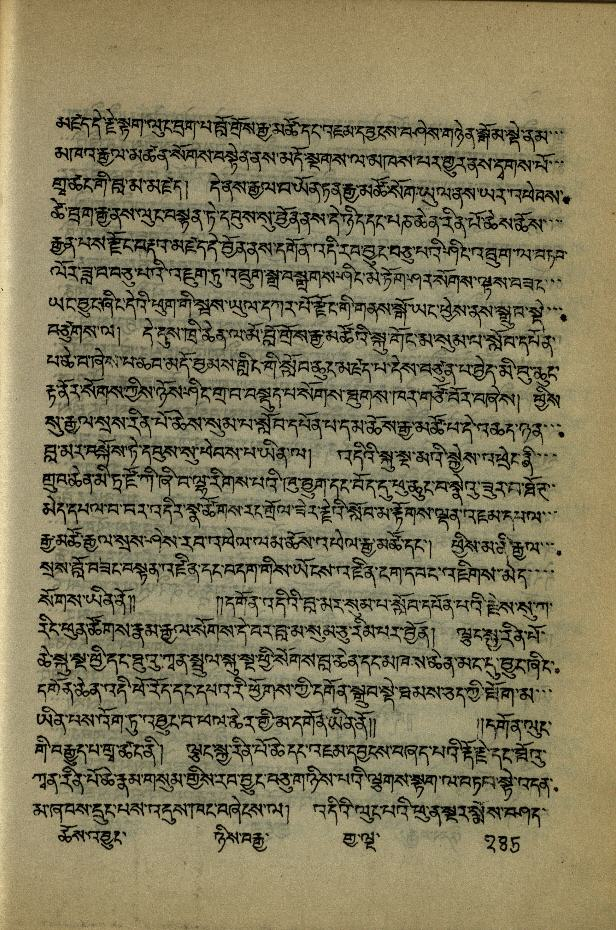མཛད་དེ་རྗེ་སྟག་ལུང་བྲག་པ་བློ་གྲོས་རྒྱ་མཚོ་དང་འཇམ་དབྱངས་བཤེས་གཉེན་སྒོམ་སྡེ་ནམ་
མཁའ་རྒྱལ་མཚན་སོགས་བསྟེན་ནས་མདོ་སྔགས་ལ་མཁས་པར་གྱུར་ནས་དྭགས་པོ་
གྲྭ་ཚང་གི་བླ་མ་མཛད། དེ་ནས་རྒྱལ་བ་ཡོན་ཏན་རྒྱ་མཚོ་སོགས་ཡུལ་ནས་ཡར་འཕེབས་
ཚེ་བྲག་རྒྱ་ནས་ལུང་བསྟན་ཏེ་དབུས་སུ་བྱོན་ནས་དེ་ཉིད་དང་པཎ་ཆེན་རིན་པོ་ཆེས་ཆོས་
རྒྱན་པས་རྫོང་བརྡའ་མཛད་དེ་བྱོན་ནས་དགོན་འདི་རབ་བྱུང་བཅུ་པའི་ཤིང་འབྲུག་ལ་བཏབ་
ལོར་ཟླ་བ་བཅུ་པའི་འཇུག་ཏུ་འབྲུག་སྒྲ་བསྒྲགས་ཤིང་མེ་ཏོག་ཤར་སོགས་ལྟས་བཟང་
ཡང་བྱུང་ཞིང་དེའི་ཕུག་གི་སྦས་ཡུལ་དཀར་པོ་རྫོང་གི་གནས་སྒོ་ཡང་ཕྱེས་ནས་སྒྲུབ་སྡེ་
བཙུགས་ལ། དེ་དུས་ཁྲི་ཆེན་ལ་མོ་བློ་གྲོས་རྒྱ་མཚོའི་སྐུ་གོང་མ་སུམ་པ་སློབ་དཔོན་
པ་ཆེ་བ་ཞེས་པ་ཆབ་མདོ་བྱམས་གླིང་གི་སློབ་ཆུང་མཛད་པ་དེས་བཙུན་པ་བྱེད་མི་བུ་ཆུང་
རྟ་ནོར་སོགས་ཀྱིས་ཉོས་ཤིང་གྲ་བ་བསྡུད་པ་སོགས་ཐུགས་ཁར་གཙོ་བོར་བཞེས། ཕྱིས་
སུ་རྒྱལ་སྲས་རིན་པོ་ཆེས་སུམ་པ་སློབ་དཔོན་པ་དམ་ཆོས་རྒྱ་མཚོ་པ་དེ་འཆད་ཉན་
བླ་མར་བསྐོས་ཏེ་དབུས་སུ་ཕེབས་པ་ཡིན་ལ། འདིའི་སྐུ་སྔ་མའི་སྐྱེས་འཕྲེང་ནི་
གྲུབ་ཆེན་མི་ཏྲ་ཛོ་ཀི་ཞི་བ་ལྷ་རིགས་པའི་ཁུ་བྱུག་དང་བོད་དུ་ཕུ་ཆུང་བ་སྣེའུ་ཟུར་བ་ཐོཊ་
མེད་དཔལ་བ་བར་འདིར་སྣ་ཚོགས་རང་གྲོལ་ཟེར་རྗེའི་སློབ་མ་རྟོགས་ལྡན་འཇམ་དཔལ་
རྒྱ་མཚོ་རྒྱལ་སྲས་ཤེས་རབ་འཕེལ་ལམ་ཆོས་འཕེལ་རྒྱ་མཚོ་དང་། ཕྱིས་མ་ནི་རྒྱལ་
སྲས་བློ་བཟང་བསྟན་འཛིན་དང་བདག་གིས་ཡོངས་འཛིན་ངག་དབང་འཇིགས་མེད་
སོགས་ཡིན་ནོ།། །།དགོན་འདིའི་བླ་མར་སུམ་པ་སློབ་དཔོན་པའི་རྗེས་སུ་ཀ་
རིང་ཕུན་ཚོགས་རྣམ་རྒྱལ་སོགས་དེ་བར་བླ་མ་སུམ་ཅུ་རིམ་པར་བྱོན། ལྕང་སྐྱ་རིན་པོ་
ཆེ་སྐུ་སྔ་ཕྱི་དང་ཐུའུ་ཀྭན་སྤྲུལ་སྐུ་སྔ་ཕྱི་སོགས་བླ་ཆེན་དང་མཁས་ཆེན་མང་དུ་བྱུང་ཞིང་
དགོན་ཆེན་འདི་ཕོ་རོད་དང་དཔའ་རི་ཕྱོགས་ཀྱི་དགོན་སྒྲུབ་སྡེ་ཐམས་ཅད་ཀྱི་ཐོག་མ་
ཡིན་པས་འོག་ཏུ་འབྱུང་བ་ཕལ་ཆེར་གྱི་མ་དགོན་ཡིན་ནོ།། །།དགོན་ལུང་
གི་བརྒྱུད་པ་གྲྭ་ཚང་ནི། ལྕང་སྐྱ་རིན་པོ་ཆེ་དང་འཇམ་དབྱངས་བཞད་པའི་རྡོ་རྗེ་དང་ཐོའུ་
ཀྭན་རིན་པོ་ཆེ་རྣམ་གསུམ་གྱིས་རབ་བྱུང་བཅུ་གཉིས་པའི་ལྕགས་སྟག་ལ་བཏབ་སྟེ་འདན་
མ་ཞབས་དྲུང་པས་འདུས་ཁང་བཞེངས་ལ། འདིའི་ལུང་པའི་ཕུ་ན་སྔར་སྨོས་བཤད་